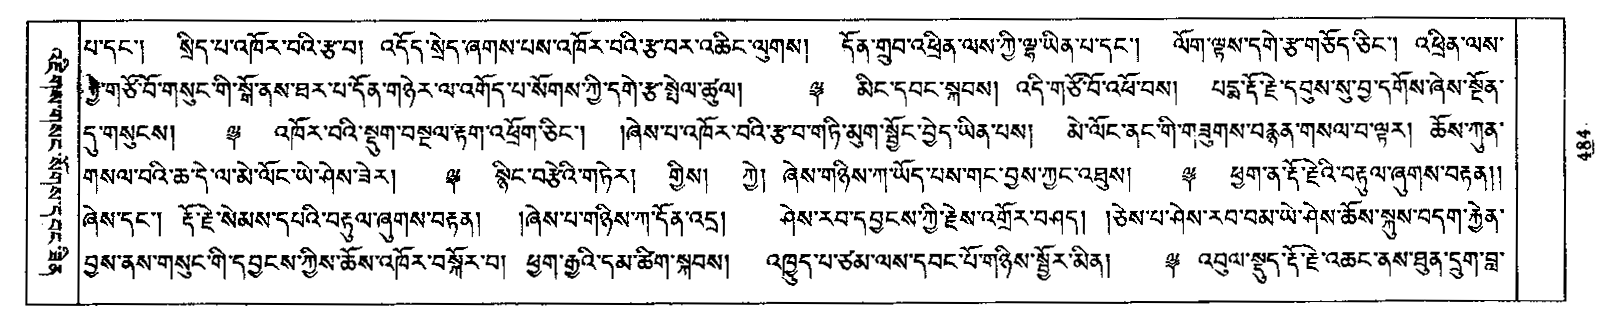པ་དང་། སྲིད་པ་འཁོར་བའི་རྩ་བ། འདོད་སྲེད་ཞགས་པས་འཁོར་བའི་རྩ་བར་འཆིང་ལུགས། དོན་གྲུབ་འཕྲིན་ལས་ཀྱི་ལྷ་ཡིན་པ་དང་། ལོག་ལྟས་དགེ་རྩ་གཅོད་ཅིང་། འཕྲིན་ལས་
ཀྱི་གཙོ་བོ་གསུང་གི་སྒོ་ནས་ཐར་པ་དོན་གཉེར་ལ་འགོད་པ་སོགས་ཀྱི་དགེ་རྩ་སྤེལ་ཚུལ། ༈ མིང་དབང་སྐབས། འདི་གཙོ་བོ་འཕོ་བས། པདམ་རྡོ་རྗེ་དབུས་སུ་བྱ་དགོས་ཞེས་སྔོན་
དུ་གསུངས། ༈ འཁོར་བའི་སྡུག་བསྔལ་རྟག་འཕྲོག་ཅིང་། །ཞེས་པ་འཁོར་བའི་རྩ་བ་གཏི་མུག་སྦྱོང་བྱེད་ཡིན་པས། མེ་ལོང་ནང་གི་གཟུགས་བརྙན་གསལ་བ་ལྟར། ཆོས་ཀུན་
གསལ་བའི་ཆ་དེ་ལ་མེ་ལོང་ཡེ་ཤེས་ཟེར། ༈ སྙིང་བརྩེའི་གཏེར། གྱིས། ཀྱེ། ཞེས་གཉིས་ཀ་ཡོད་པས་གང་བྱས་ཀྱང་འཐུས། ༈ ཕྱག་ན་རྡོ་རྗེའི་བརྟུལ་ཞུགས་བརྟན།།
ཞེས་དང་། རྡོ་རྗེ་སེམས་དཔའི་བརྟུལ་ཞུགས་བརྟན། །ཞེས་པ་གཉིས་ཀ་དོན་འདྲ། ཤེས་རབ་དབྱངས་ཀྱི་རྗེས་འགྲོར་བཤད། །ཅེས་པ་ཤེས་རབ་བམ་ཡེ་ཤེས་ཆོས་སྐུས་བདག་རྐྱེན་
བྱས་ནས་གསུང་གི་དབྱངས་ཀྱིས་ཆོས་འཁོར་བསྐོར་བ། ཕྱག་རྒྱའི་དམ་ཚིག་སྐབས། འཁྱུད་པ་ཙམ་ལས་དབང་པོ་གཉིས་སྦྱོར་མིན། ༈ འབུལ་སྡུད་རྡོ་རྗེ་འཆང་ནས་ཐུན་དྲུག་བླ་